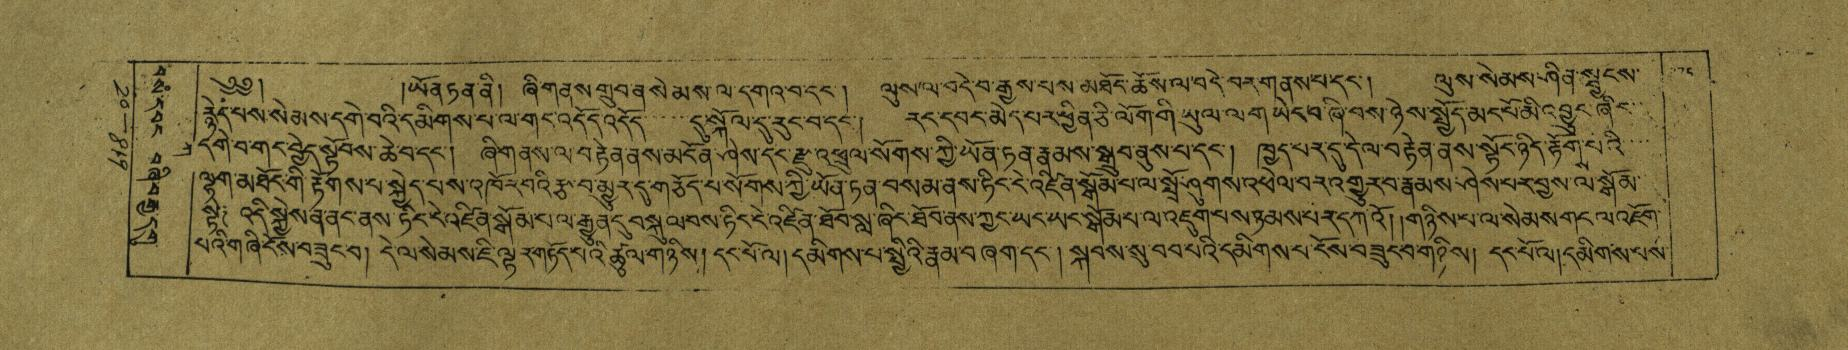༄༅། །ཡོན་ཏན་ནི། ཞི་གནས་གྲུབ་ན་སེམས་ལ་དགའ་བ་དང་། ལུས་ལ་བདེ་བ་རྒྱས་པས་མཐོང་ཆོས་ལ་བདེ་བར་གནས་པ་དང་། ལུས་སེམས་ཤིན་སྦྱངས་
རྙེད་པས་སེམས་དགེ་བའི་དམིགས་པ་ལ་གང་འདོད་འདོད་དུ་སྐོལ་དུ་རུང་བ་དང་། རང་དབང་མེད་པར་ཕྱིན་ཅི་ལོག་གི་ཡུལ་ལ་གཡེང་བ་ཞི་བས་ཉེས་སྤྱོད་མང་པོ་མི་འབྱུང་ཞིང་
དགེ་བ་གང་བྱེད་སྟོབས་ཆེ་བ་དང་། ཞི་གནས་ལ་བརྟེན་ནས་མངོན་ཤེས་དང་རྫུ་འཕྲུལ་སོགས་ཀྱི་ཡོན་ཏན་རྣམས་སྒྲུབ་ནུས་པ་དང་། ཁྱད་པར་དུ་དེ་ལ་བརྟེན་ནས་སྟོང་ཉིད་རྟོགས་པའི་
ལྷག་མཐོང་གི་རྟོགས་པ་སྐྱེད་པས་འཁོར་བའི་རྩ་བ་མྱུར་དུ་གཅོད་པ་སོགས་ཀྱི་ཡོན་ཏན་བསམ་ནས་ཏིང་ངེ་འཛིན་སྒོམ་པ་ལ་སྤྲོ་ཤུགས་འཕེལ་བར་འགྱུར་བ་རྣམས་ཤེས་པར་བྱས་ལ་སྒོམ་
སྟེ༑ འདི་སྐྱེས་ན་ནང་ནས་ཏིང་ངེ་འཛིན་སྒོམ་པ་ལ་རྒྱུན་དུ་བསྐུལ་བས་ཏིང་ངེ་འཛིན་ཐོབ་སླ་ཞིང་ཐོབ་ནས་ཀྱང་ཡང་ཡང་སྒོམ་པ་ལ་འཇུག་པས་ཉམས་པར་དཀའོ། །གཉིས་པ་ལ་སེམས་གང་ལ་འཇོག་
པའི་ཞི་ངོས་བཟུང་བ། དེ་ལ་སེམས་ཇི་ལྟར་གཏོད་པའི་ཚུལ་གཉིས། དང་པོ་ལ། དམིགས་པ་སྤྱིའི་རྣམ་བཞག་དང་། སྐབས་སུ་བབ་པའི་དམིགས་པ་ངོས་བཟུང་བ་གཉིས། དང་པོ་ལ། དམིགས་པས་